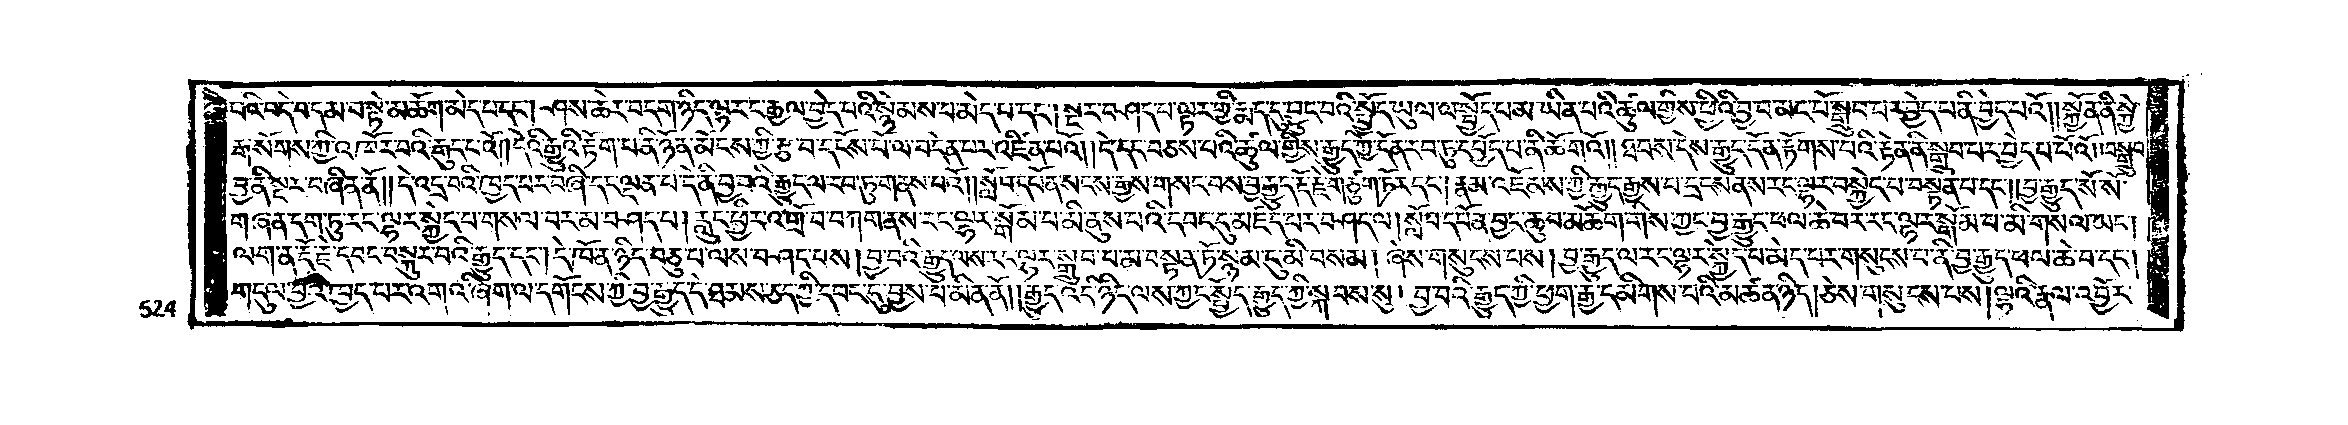པའི་བདེ་བ་དམ་པ་སྟེ་མཆོག་མེད་པ་དང་། ཤས་ཆེར་བདག་ཉིད་ལྷར་ང་རྒྱལ་བྱེད་པའི་སྙེམས་པ་མེད་པ་དང་། སྔར་བཤད་པ་ལྟར་གྱི་རྨད་དུ་བྱུང་བའི་སྤྱོད་ཡུལ་ལ་སྤྱོད་པ་མ་ཡིན་པའི་ཚུལ་གྱིས་ཕྱིའི་བྱ་བ་མང་པོ་སྒྲུབ་པར་བྱེད་པ་ནི་བྱེད་པའོ། །སྐྱོན་ནི་སྐྱེ་
རྒ་སོགས་ཀྱི་འཁོར་བའི་རྒུད་པའོ། །དེའི་རྒྱུའི་རྟོག་པ་ནི་ཉོན་མོངས་ཀྱི་རྩ་བ་དངོས་པོ་ལ་བདེན་པར་འཛིན་པའོ། །དེ་དང་བཅས་པའི་ཚུལ་གྱིས་རྒྱུད་ཀྱི་དོན་རབ་ཏུ་དཔྱོད་པ་ནི་ཆོ་གའོ། །ཐབས་དེས་རྒྱུད་དོན་རྟོགས་པའི་རྟེན་ནི་སྒྲུབ་པར་བྱེད་པ་པོའོ། །བསྒྲུབ་
བྱ་ནི་སྔར་བཞིན་ནོ། །དེ་འདྲ་བའི་ཁྱད་པར་བཞི་དང་ལྡན་པ་དེ་ནི་བྱ་བའི་རྒྱུད་ལ་རབ་ཏུ་གནས་པའོ། །སློབ་དཔོན་སངས་རྒྱས་གསང་བས་བྱ་རྒྱུད་རྡོ་རྗེ་གཙུག་ཏོར་དང་། རྣམ་འཇོམས་ཀྱི་རྒྱུད་རྒྱས་པ་དྲངས་ནས་རང་ལྷར་བསྐྱེད་པ་བསྟན་པ་དང་། །བྱ་རྒྱུད་སོ་སོ་
གཞན་དག་ཏུ་རང་ལྷར་སྐྱེད་པ་གསལ་བར་མ་བཤད་པ། རླུང་ཕྱིར་འགྲོ་བ་བཀག་ནས་རང་ལྷར་སྒོམ་པ་མི་ནུས་པའི་དབང་དུ་མཛད་པར་བཤད་ལ། སློབ་དཔོན་བྱང་ཆུབ་མཆོག་གིས་ཀྱང་བྱ་རྒྱུད་ཕལ་ཆེ་བར་རང་ལྷར་སྒོམ་པ་མི་གསལ་ཡང་།
ལག་ན་རྡོ་རྗེ་དབང་བསྐུར་བའི་རྒྱུད་དང་། དེ་ཁོ་ན་ཉིད་བཅུ་པ་ལས་བཤད་པས། བྱ་བའི་རྒྱུད་ལས་རང་ལྷར་སྒྲུབ་པ་མ་བསྟན་ཏོ་སྙམ་དུ་མི་བསམ། ཞེས་གསུངས་པས། བྱ་རྒྱུད་ལ་རང་ལྷར་སྐྱེད་པ་མེད་པར་གསུངས་པ་ནི་བྱ་རྒྱུད་ཕལ་ཆེ་བ་དང་།
གདུལ་བྱའི་ཁྱད་པར་འགའ་ཞིག་ལ་དགོངས་ཀྱི་བྱ་རྒྱུད་དེ་ཐམས་ཅད་ཀྱི་དབང་དུ་བྱས་པ་མིན་ནོ། །རྒྱུད་འདི་ཉིད་ལས་ཀྱང་སྤྱོད་རྒྱུད་ཀྱི་སྐབས་སུ། བྱ་བའི་རྒྱུད་ཀྱི་ཕྱག་རྒྱ་དམིགས་པའི་མཚན་ཉིད། ཅེས་གསུངས་པས། ལྷའི་རྣལ་འབྱོར་